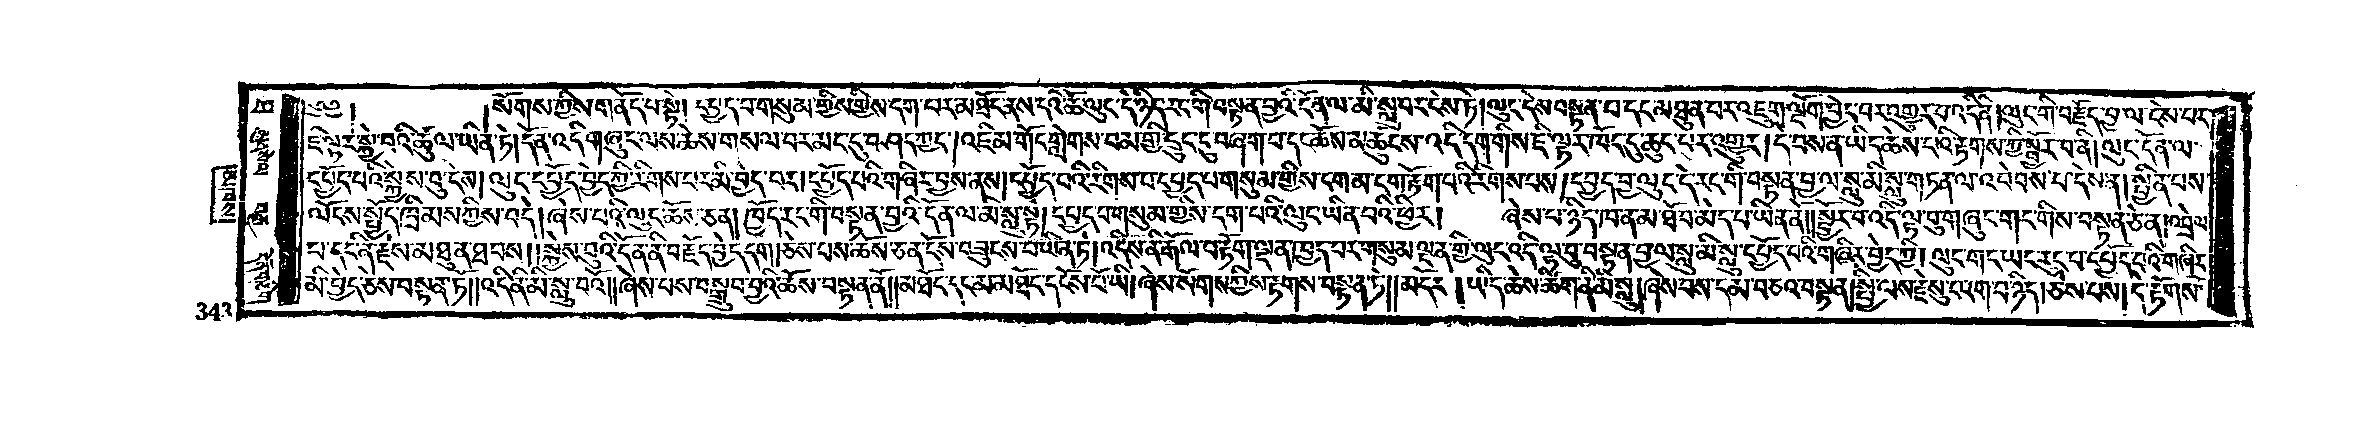༄༅། །སོགས་ཀྱིས་གནོད་པ་སྟེ། དཔྱད་པ་གསུམ་གྱིས་གྱིས་དག་པར་མཐོང་ནས་དེའི་ཚེ་ལུང་དེ་ཉིད་རང་གི་བསྟན་བྱའི་དོན་ལ་མི་སླུ་བར་ངེས་ཏེ། ལུང་དེས་བསྟན་པ་དང་མཐུན་པར་འཇུག་ལྡོག་བྱེད་པར་འགྱུར་བ་འདི་ནི། ལུང་གི་བརྗོད་བྱ་ལ་ངེས་པར་
ཇི་ལྟར་སྐྱེ་བའི་ཚུལ་ཡིན་ཏེ། དོན་འདི་གཞུང་ལས་ཆེས་གསལ་བར་མང་དུ་བཤད་ཀྱང་། འཇིམ་གོང་གླེགས་བམ་གྱི་དྲུང་དུ་བཞག་པ་དང་ཆོས་མཚུངས་འདི་དག་གིས་ཇི་ལྟར་ཁོང་དུ་ཆུད་པར་འགྱུར། དེ་བས་ན་ཡིད་ཆེས་པའི་རྟགས་ཀྱི་སྦྱོར་བ་ནི། ལུང་དོན་ལ་
དཔྱོད་པའི་སྐྱེས་བུ་ངེས། ལུང་དཔྱོད་བྱེད་ཀྱི་རིགས་པར་མི་བྱེད་པར། དཔྱོད་པའི་གཞིར་བྱས་ནས། དཔྱོད་པའི་རིགས་པ་དཔྱད་པ་གསུམ་གྱིས་དག་མ་དག་རྟོག་པའི་རིགས་པས། དཔྱད་བྱ་ལུང་དེ་རང་གི་བསྟན་བྱ་ལ་སླུ་མི་སླུ་གཏན་ལ་འབེབས་པ་དེས་ན། སྦྱིན་པས་
ལོངས་སྤྱོད་ཁྲིམས་ཀྱིས་བདེ། ཞེས་པའི་ལུང་ཆོས་ཅན། ཁྱོད་རང་གི་བསྟན་བྱའི་དོན་ལ་མི་སླུ་སྟེ། དཔྱད་པ་གསུམ་གྱིས་དག་པའི་ལུང་ཡིན་པའི་ཕྱིར། ཞེས་པ་ཉིད་ཁ་ན་མ་ཐོ་བ་མེད་པ་ཡིན་ནོ། །སྦྱོར་བ་འདི་ལྟ་བུ་གཞུང་གང་གིས་བསྟན་ཅེ་ན། འབྲེལ་
པ་དང་ནི་རྗེས་མཐུན་ཐབས། །སྐྱེས་བུའི་དོན་ནི་བརྗོད་བྱེད་དག། ཅེས་པས་ཆོས་ཅན་ངོས་བཟུངས་པ་ཡིན་ཏེ། འདིས་ནི་རྒོལ་བ་རྟོག་ལྡན་ཁྱད་པར་གསུམ་ལྡན་གྱི་ལུང་འདི་ལྟ་བུ་བསྟན་བྱ་ལ་སླུ་མི་སླུ་དཔྱོད་པའི་གཞིར་བྱེད་ཀྱི། ལུང་གང་ཡང་རུང་བ་དཔྱོད་པའི་གཞིར་
མི་བྱེད་ཅེས་བསྟན་ཏོ། །འདི་ནི་མི་སླུ་བའོ། །ཞེས་པས་བསྒྲུབ་བྱའི་ཆོས་བསྟན་ནོ། །མཐོང་དང་མ་མཐོང་དངོས་པོ་ཡི། ཞེས་སོགས་ཀྱིས་རྟགས་བསྟན་ཏེ། །མདོར། ཡིད་ཆེས་ཚིག་ནི་མི་སླུ། ཞེས་པས་དམ་བཅའ་བསྟན། སྤྱི་ལས་རྗེས་སུ་དཔག་པ་ཉིད། ཅེས་པས། དེ་རྟོགས་